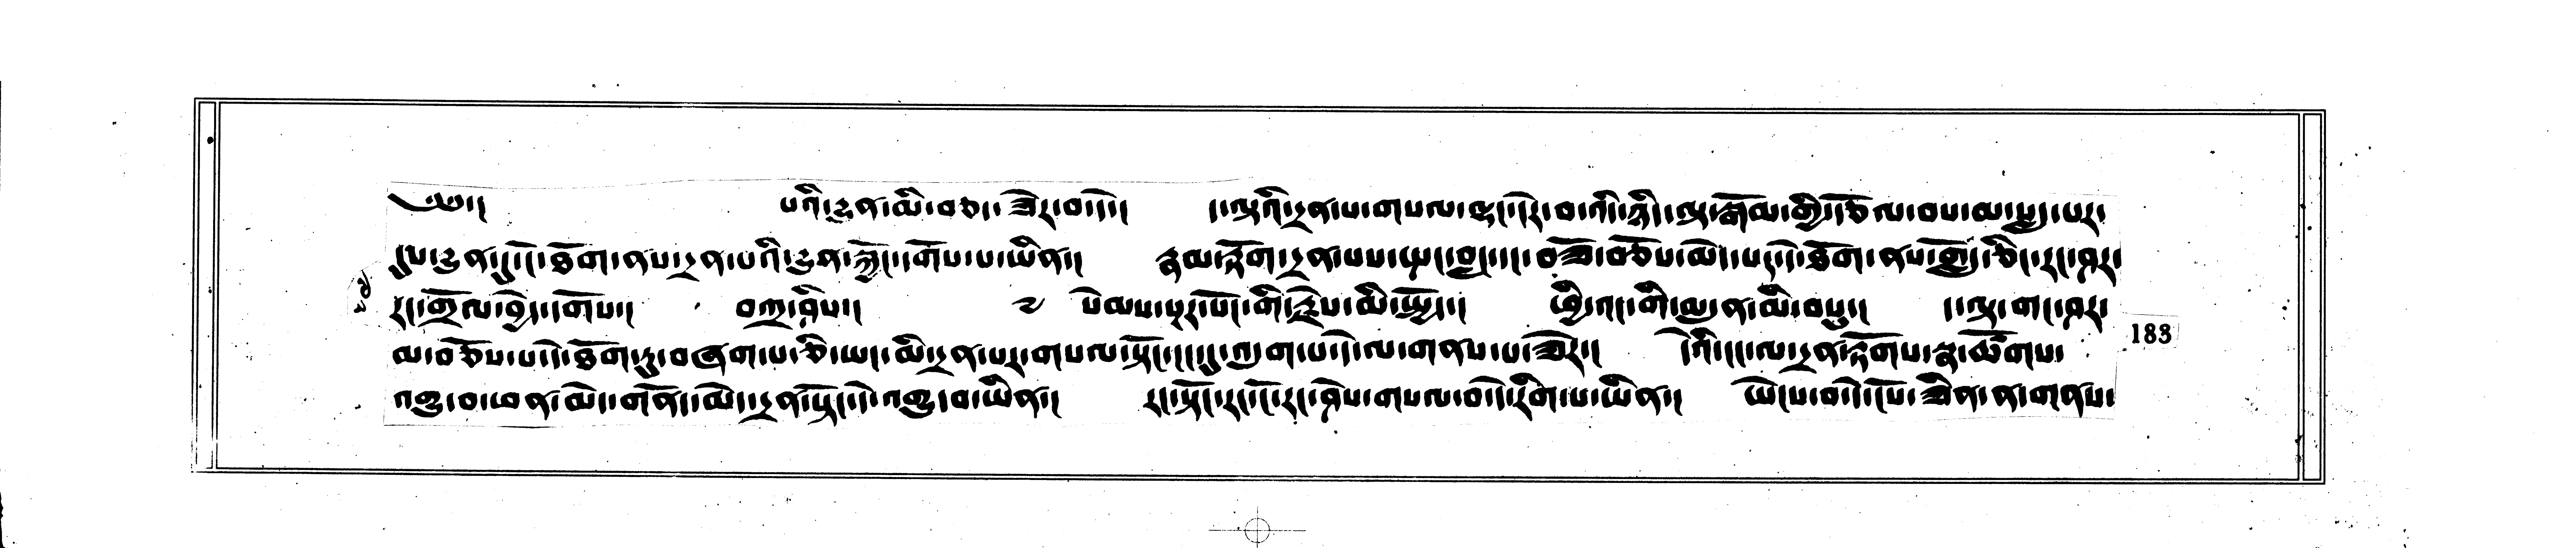པའི་རྒྱུན་མི་བཅད་ཟེར་བ་དེ། ད་ལྟའི་དྲན་པ་གསལ་ལྷང་ངེ་བ་འདི་ཉིད་ལྟ་སྒོམ་གྱི་རྩོལ་བས་མ་བསླད་པར་
དུས་རྒྱུན་དུ་ངོ་ཐོག་ནས་དྲན་པའི་རྒྱུན་སྐྱོང་དགོས་པ་ཡིན། །རྣམ་རྟོག་དྲན་པས་སྤང་བླང་དང་བཟོ་བཅོས་མེད་པར་དེ་ཐོག་ནས་གློད་ཅིང་རང་ཤར་
རང་གྲོལ་བྱེད་དགོས། །བཀྲ་ཤིས། །༧ སེམས་སྔར་སོང་གི་རྗེས་མི་གཅོད། ཕྱི་འོང་གི་མདུན་མི་བསུ། ད་ལྟ་གང་ཤར་
མ་བཅོས་པའི་ཐོག་ཏུ་བཞག་པ་ཅི་ཡང་མི་དྲན་པར་གསལ་སྟོང་ངང་དུ་འདུག་པ་དེ་ལ་གནས་པ་ཟེར། དེའི་ངང་ལ་དྲན་རྟོག་སྣ་ཚོགས་
འགྱུ་བ་ཕན་མེད་གནོད་མེད་དྲན་སྟོང་དེ་འགྱུ་བ་ཡིན། རང་སྟོང་རང་ངོ་རང་ཤེས་གསལ་བའི་རིག་པ་ཡིན། ཡེངས་པ་དེ་ངོས་ཟིན་ན་གནས་